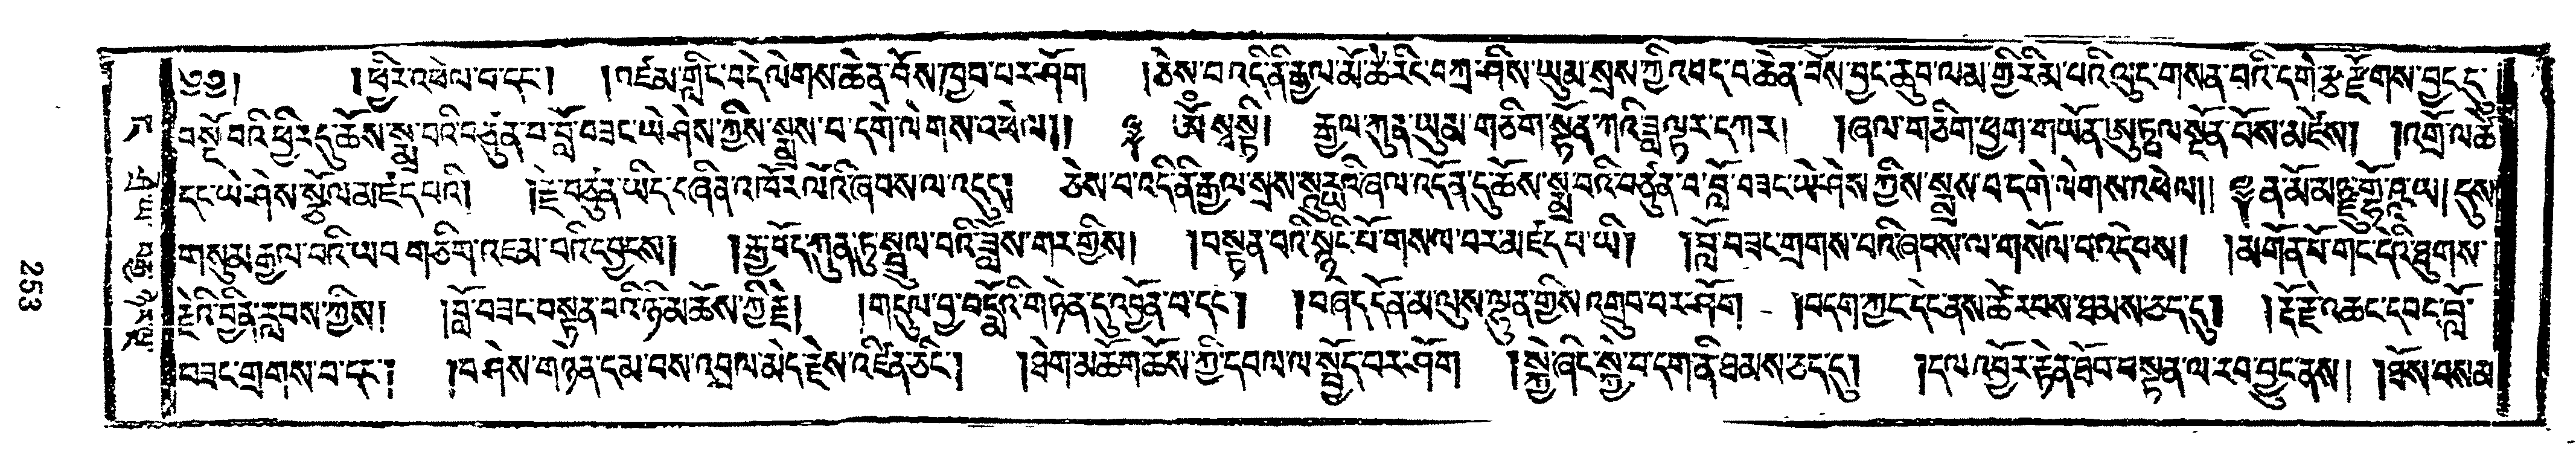༄༅། །ཕྱིར་འཕེལ་བ་དང་། །འཛམ་གླིང་བདེ་ལེགས་ཆེན་བོས་ཁྱབ་པར་ཤོག །ཅེས་བ་འདི་ནི་རྒྱལ་མོ་ཚེ་རིང་བཀྲ་ཤིས་ཡུམ་སྲས་ཀྱི་འབད་བ་ཆེན་བོས་བྱང་ཆུབ་ལམ་གྱི་རིམ་པའི་ལུང་གསན་བའི་དགེ་རྩ་རྫོགས་བྱང་དུ་
བསྔོ་བའི་ཕྱིར་དུ་ཆོས་སྨྲ་བའི་བཙུན་པ་བློ་བཟང་ཡེ་ཤེས་ཀྱིས་སྨྲས་པ་དགེ་ལེགས་འཕེལ།། ༈ ཨོཾ་སྭསྟི། རྒྱལ་ཀུན་ཡུམ་གཅིག་སྟོན་ཀའི་ཟླ་ལྟར་དཀར། །ཞལ་གཅིག་ཕྱག་གཡོན་ཨུཏྤལ་སྔོན་པོས་མཛེས། །འགྲོ་ལ་ཚེ་
དང་ཡེ་ཤེས་སྩོལ་མཛད་པའི། །རྗེ་བཙུན་ཡིད་བཞིན་འཁོར་ལོའི་ཞབས་ལ་འདུད། ཅེས་བ་འདི་ནི་རྒྱལ་སྲས་སཱུརྱའི་ཞལ་འདོན་དུ་ཆོས་སྨྲ་བའི་བཙུན་བ་བློ་བཟང་ཡེ་ཤེས་ཀྱིས་སྨྲས་བ་དགེ་ལེགས་འཕེལ།། ༈ ན་མོ་མཉྫུ་གྷོ་ཥཱ་ཡ། དུས་
གསུམ་རྒྱལ་བའི་ཡབ་གཅིག་འཇམ་བའི་དབྱངས། །རྒྱ་བོད་ཀུན་ཏུ་སྦྲུལ་བའི་ཟློས་གར་གྱིས། །བསྟན་བའི་སྙིང་པོ་གསལ་བར་མཛད་པ་ཡི། །བློ་བཟང་གྲགས་བའི་ཞབས་ལ་གསོལ་བ་འདེབས། །མགོན་པོ་གང་དེའི་ཐུགས་
རྗེའི་བྱིན་རླབས་ཀྱིས། །བློ་བཟང་བསྟན་བའི་ཉི་མ་ཆོས་ཀྱི་རྗེ། །གདུལ་བྱ་པདམོའི་གཉེན་དུ་འབྱོན་བ་དང་། །བཞེད་དོན་མ་ལུས་ལྷུན་གྱིས་འགྲུབ་པར་ཤོག །བདག་ཀྱང་དེང་ནས་ཚེ་རབས་ཐམས་ཅད་དུ། །རྡོ་རྗེ་འཆང་དབང་བློ་
བཟང་གྲགས་བ་དང་། །བཤེས་གཉེན་དམ་བས་འབྲལ་མེད་རྗེས་འཛིན་ཅིང་། །ཐེག་མཆོག་ཆོས་ཀྱི་དཔལ་ལ་སྦྱོད་བར་ཤོག །སྐྱེ་ཞིང་སྐྱེ་བ་དག་ནི་ཐམས་ཅད་དུ། །དལ་འབྱོར་རྟེན་ཐོབ་བསྟན་ལ་རབ་བྱུང་ནས། །ཐོས་བསམ་